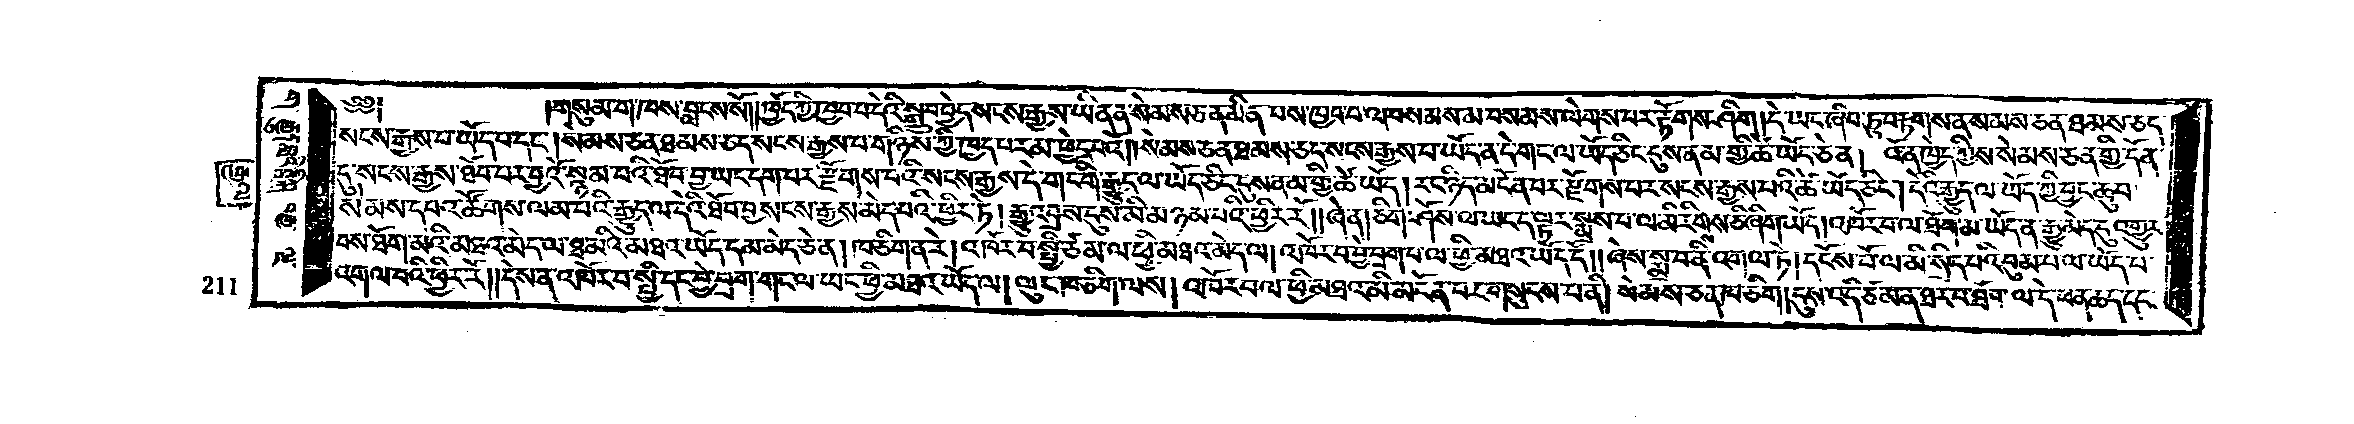༄༅། །གསུམ་ག་ཁས་བླངས་སོ། །ཁྱོད་ཀྱི་ཁྱབ་པ་དེའི་སྒྲུབ་བྱེད་སངས་རྒྱས་ཡིན་ན་སེམས་ཅན་མིན་པས་ཁྱབ་པ་འཁས?་མས་མ་བསམས་ལེགས་པར་རྟོགས་ཤིག །དེ་ཡང་ཞིབ་ཏུ་བརྟགས་ནས་སེམས་ཅན་ཐམས་ཅད་
སངས་རྒྱས་པ་ཡོད་པ་དང་། སེམས་ཅན་ཐམས་ཅད་སངས་རྒྱས་པ་གཉིས་ཀྱི་ཁྱད་པར་མ་ཕྱེད་པའོ། །སེམས་ཅན་ཐམས་ཅད་སངས་རྒྱས་པ་ཡོད་ན་དེ་གང་ལ་ཡོད་ཅིང་དུས་ནམ་གྱི་ཚེ་ཡོད་ཅེ་ན། འོ་ན་ཁྱེད་ཀྱིས་སེམས་ཅན་གྱི་དོན་
དུ་སངས་རྒྱས་ཐོབ་པར་བྱའོ་སྙམ་པའི་ཐོབ་བྱ་ཡང་དག་པར་རྫོགས་པའི་སངས་རྒྱས་དེ་གང་གི་རྒྱུད་ལ་ཡོད་ཅིང་དུས་ནམ་གྱི་ཚེ་ཡོད། རང་ཉིད་མངོན་པར་རྫོགས་པར་སངས་རྒྱས་པའི་ཚེ་ཡོད་ཅིང་། དེའི་རྒྱུད་ལ་ཡོད་ཀྱི་བྱང་ཆུབ་
སེམས་དཔའ་ཚོགས་ལམ་པའི་རྒྱུད་ལ་དེའི་ཐོབ་བྱ་སངས་རྒྱས་མེད་པའི་ཕྱིར་ཏེ། རྒྱུ་འབྲས་དུས་མི་མཉམ་པའི་ཕྱིར་རོ། །ཞེ་ན། ཅིག་ཤོས་ལ་ཡང་དེ་ལྟར་སྨྲས་པ་ལ་མི་རིགས་ཅི་ཞིག་ཡོད། འཁོར་བ་ལ་ཐོག་མ་ཡོད་ན་རྒྱུ་མེད་དུ་འགྱུར་
བས་ཐོག་མའི་མཐའ་མེད་ལ་ཐ་མའི་མཐའ་ཡོད་དམ་མེད་ཅེ་ན། ཁ་ཅིག་ན་རེ། འཁོར་བ་སྤྱི་ཙམ་ལ་ཕྱི་མཐའ་མེད་ལ། འཁོར་བ་བྱེ་བྲག་པ་ལ་ཕྱི་མཐའ་ཡོད་དོ། །ཞེས་སྨྲ་བ་ནི་འགལ་ཏེ། དངོས་པོ་ལ་མི་སྲིད་པའི་བུམ་པ་ལ་ཡོད་པ་
འགལ་བའི་ཕྱིར་རོ། །དེས་ན་འཁོར་བ་སྤྱི་དང་བྱེ་བྲག་གང་ལ་ཡང་ཕྱི་མཐའ་ཡོད་ལ། ལུང་ཁ་ཅིག་ལས། འཁོར་བ་ལ་ཕྱི་མཐའ་མི་མངོན་པར་གསུངས་པ་ནི། སེམས་ཅན་ཁ་ཅིག །དུས་འདི་ཙམ་ན་ཐར་པ་ཐོབ་ལ་དེ་ཕན་ཆད་དང་